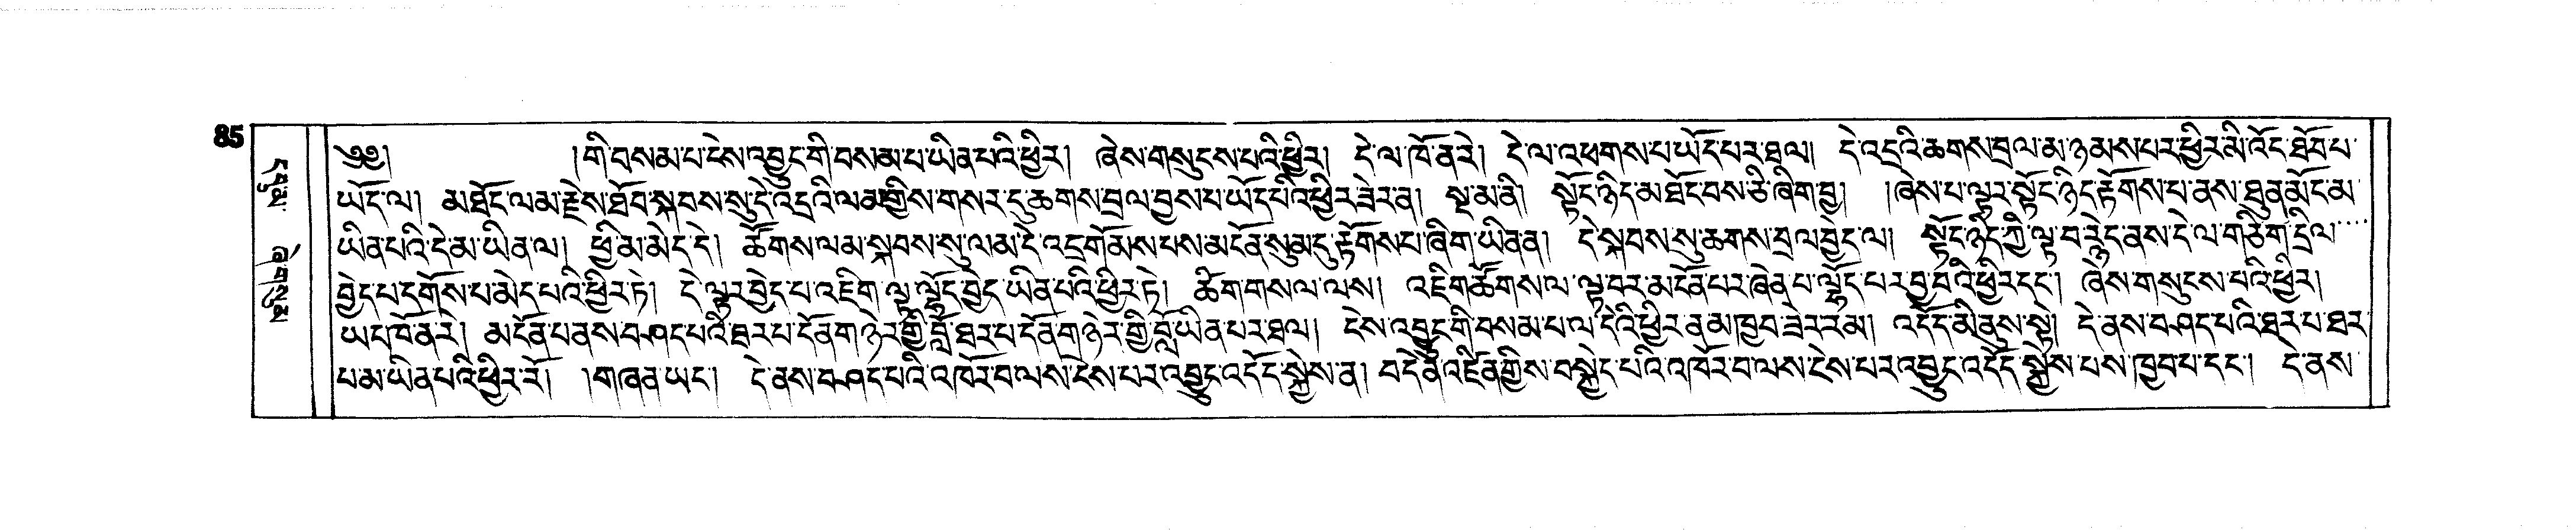༄༅། །གི་བསམ་པ་ངེས་འབྱུང་གི་བསམ་པ་ཡིན་པའི་ཕྱིར། ཞེས་གསུངས་པའི་ཕྱིར། དེ་ལ་ཁོ་ན་རེ། དེ་ལ་འཕགས་པ་ཡོད་པར་ཐལ། དེ་འདྲའི་ཆགས་བྲལ་མ་ཉམས་པར་ཕྱིར་མི་འོང་ཐོབ་པ་
ཡོད་ལ། མཐོང་ལམ་རྗེས་ཐོབ་སྐབས་སུ་དེ་འདྲའི་ལམ་གྱིས་གསར་དུ་ཆགས་བྲལ་བྱས་པ་ཡོད་པའི་ཕྱིར་ཟེར་ན། སྔ་མ་ནི། སྟོང་ཉིད་མཐོང་བས་ཅི་ཞིག་བྱ། །ཞེས་པ་ལྟར་སྟོང་ཉིད་རྟོགས་པ་ནས་ཐུན་མོང་མ་
ཡིན་པའི་དེ་མ་ཡིན་ལ། ཕྱི་མ་མེད་དེ། ཚོགས་ལམ་སྐབས་སུ་ལམ་དེ་འདྲ་གོམས་པས་མངོན་སུམ་དུ་རྟོགས་པ་ཞིག་ཡིན་ན། དེ་སྐབས་སུ་ཆགས་བྲལ་བྱེད་ལ། སྟོང་ཉིད་ཀྱི་ལྟ་བ་རྙེད་ནས་དེ་ལ་གཅིག་དྲིལ་
བྱེད་པ་དགོས་པ་མེད་པའི་ཕྱིར་ཏེ། དེ་ལྟར་བྱེད་པ་འཇིག་ལྟ་ལྷོད་བྱེད་ཡིན་པའི་ཕྱིར་ཏེ། ཚིག་གསལ་ལས། འཇིག་ཚོགས་ལ་ལྟ་བར་མངོན་པར་ཞེན་པ་ལྷོད་པར་བྱ་བའི་ཕྱིར་དང་། ཞེས་གསུངས་པའི་ཕྱིར།
ཡང་ཁོ་ན་རེ། མངོན་པ་ནས་བཤད་པའི་ཐར་པ་དོན་གཉེར་གྱི་བློ་ཐར་པ་དོན་གཉེར་གྱི་བློ་ཡིན་པར་ཐལ། ངེས་འབྱུང་གི་བསམ་པ་ལ་དེའི་ཕྱིར་ན་མ་ཁྱབ་ཟེར་རམ། འདོད་མི་ནུས་སྟེ། དེ་ནས་བཤད་པའི་ཐར་པ་ཐར་
པ་མ་ཡིན་པའི་ཕྱིར་རོ། །གཞན་ཡང་། དེ་ནས་བཤད་པའི་འཁོར་བ་ལས་ངེས་པར་འབྱུང་འདོད་སྐྱེས་ན། བདེན་འཛིན་གྱིས་བསྐྱེད་པའི་འཁོར་བ་ལས་ངེས་པར་འབྱུང་འདོད་སྐྱེས་པས་ཁྱབ་པ་དང་། དེ་ནས་